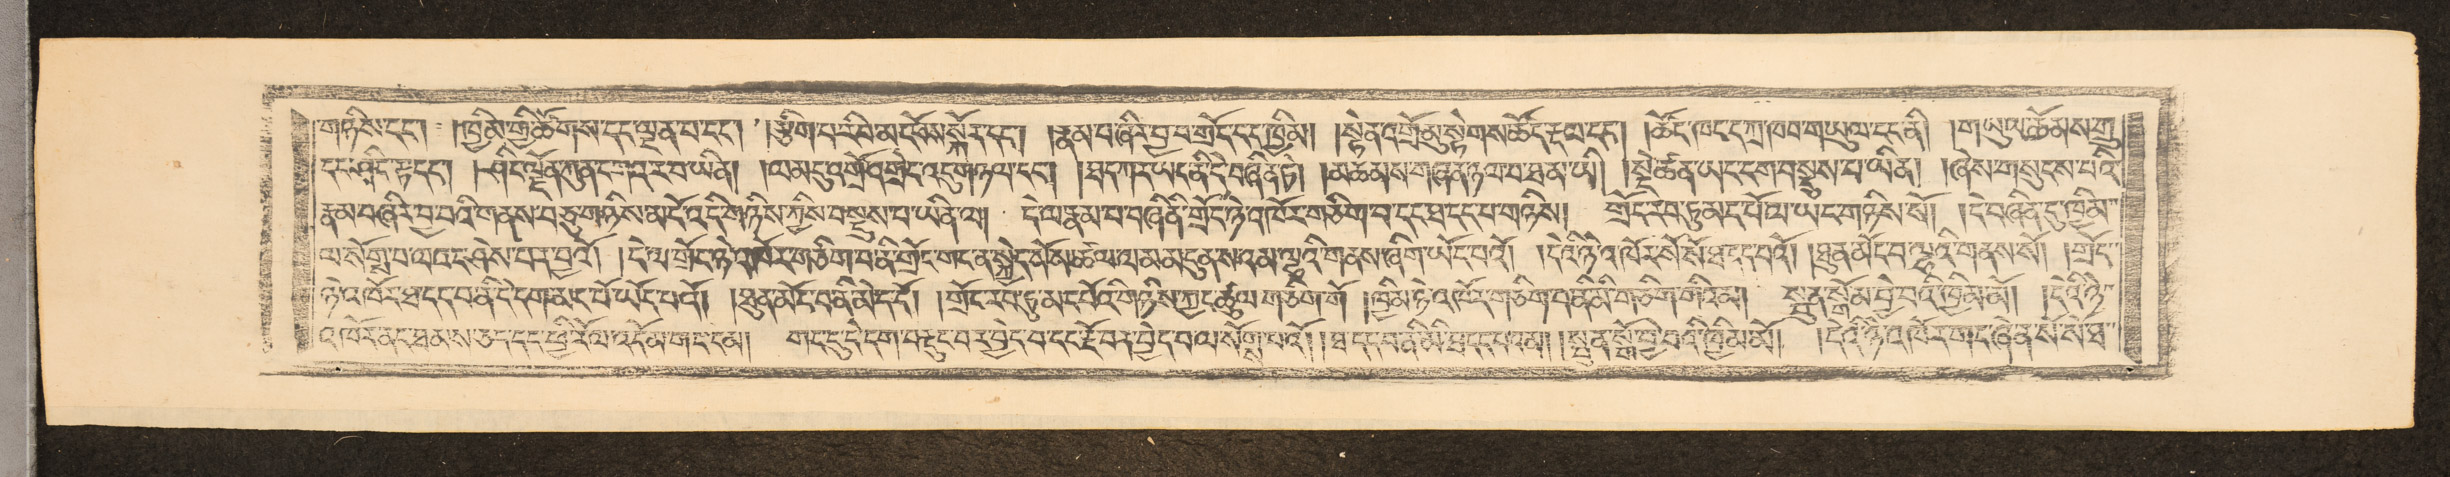གཉིས་དང་། །ཁྱིམ་གྱི་ཚོགས་དང་ལྡན་པ་དང་། །རྩིག་པ་རིབ་མ་འོབས་སྐོར་དང་། །རྣམ་བཞིར་བྱ་བ་གྲོང་དང་ཁྱིམ། །སྟེན་འགྲོ་མུ་སྟེགས་ཚོང་རྡལ་དང་། །ཚོང་ཁང་དགྲ་ཁང་གཡུལ་དང་ནི། །གཡུལ་ཚོམས་གྲུ་
དང་ཤིང་རྟ་དང་། །ཤིང་ལྗོན་ཀུན་དགའ་ར་བ་ཡིན། །ལམ་དུ་འགྲོ་འགྲེང་འདུག་ཉལ་དང་། །ཐད་ཀར་ཡང་ནི་དེ་བཞིན་ཏེ། །མཚམས་གཞན་ཉལ་བ་ཐ་མ་ཡི། །སྡེ་ཚན་ཡང་དག་བསྡུས་པ་ཡིན། །ཞེས་གསུངས་པའི་
རྣམ་བཞིར་བྱ་བའི་གནས་བཅུ་གཉིས་མདོ་འདི་གཉིས་ཀྱིས་བསྡུས་པ་ཡིན་ལ། དེ་ལ་རྣམ་པ་བཞི་ནི་གྲོང་ཉེ་འཁོར་གཅིག་པ་དང་ཐ་དད་པ་གཉིས། གྲོང་རབ་ཏུ་མང་པོ་ལ་ཡང་གཉིས་སོ། །དེ་བཞིན་དུ་ཁྱིམ་
ལ་སོགས་པ་ལའང་ཤེས་པར་བྱའོ། །དེ་ལ་གྲོང་ཉེ་འཁོར་གཅིག་བ་ནི་གྲོང་གང་ན་སྐྱེད་མོས་ཚལ་ལམ་མདུན་སའམ་ལྷའི་གནས་ཞིག་ཡོད་པའོ། །དེའི་ཉེ་འཁོར་སོ་སོ་ཐ་དད་པའོ། །ཐུན་མོང་བ་ལྷའི་གནས་སོ། །གྲོང་
ཉེ་འཁོར་ཐ་དད་པ་ནི་དེ་དག་མང་པོ་ཡོད་པའོ། །ཐུན་མོང་བ་ནི་མེད་དོ། །གྲོང་རབ་ཏུ་མང་པོའི་གཉིས་ཀྱང་ཚུལ་གཅིག་གོ །ཁྱིམ་ཉེ་འཁོར་གཅིག་པ་ནི་མི་གཅིག་གིའམ། སྤུན་སྒོམ་བྱེ་བའི་ཁྱིམ་མོ། །དེའི་ཉེ་
འཁོར་ནང་ཐམས་ཅད་དང་ཕྱི་རོལ་འདོམ་གང་དམ། གང་དུ་དེ་དག་བརྡུང་བར་བྱེད་པ་དང་རྡོ་བར་བྱེད་པ་ལ་སོགས་པའོ། །ཐ་དད་པ་ནི་མི་ཐ་དད་པའམ། །སྤུན་སྒོ་བྱེ་པའི་ཁྱིམ་མོ། །དེའི་ཉེ་འཁོར་གང་ཞེ་ན་སོ་སོ་ཐ་